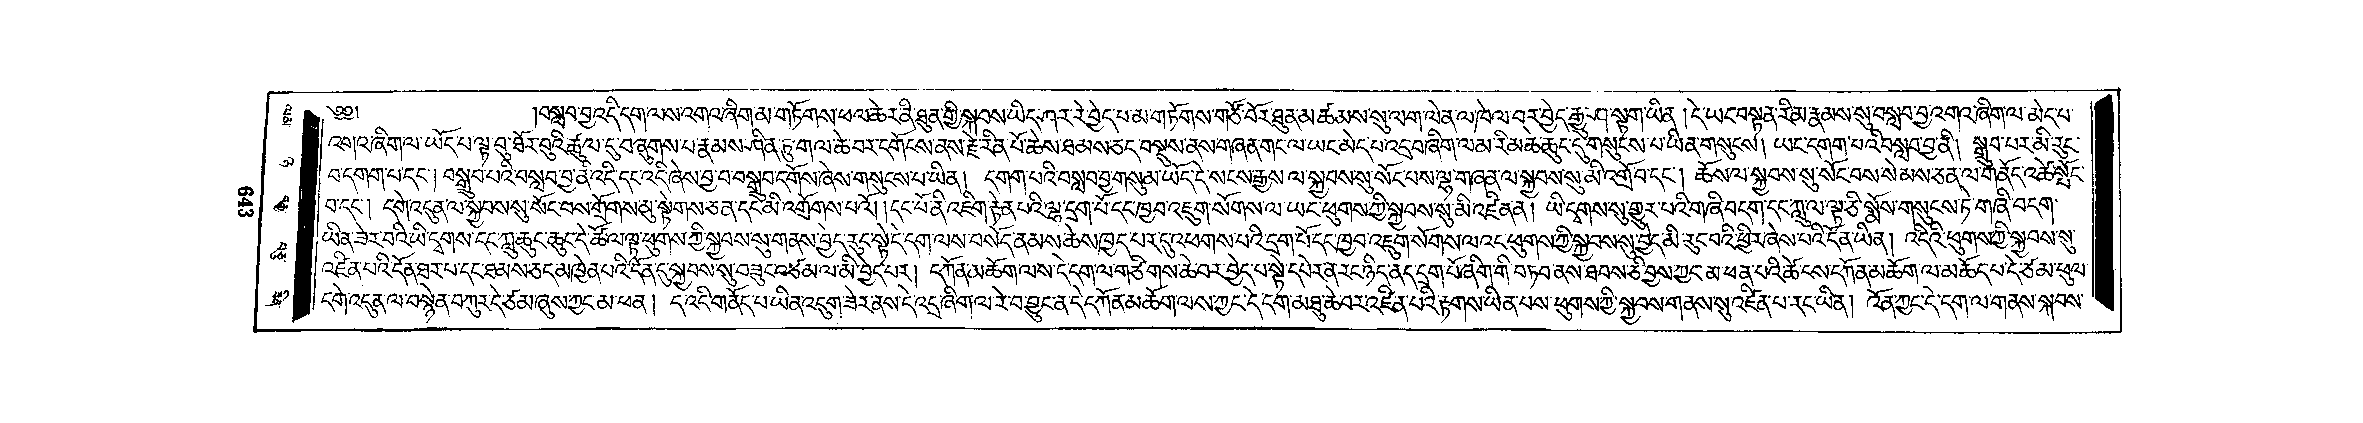༄༅། །བསླབ་བྱ་འདི་དག་ལས་འགའ་ཞིག་མ་གཏོགས་ཕལ་ཆེར་ནི་ཐུན་གྱི་སྐབས་ཡིད་ཤར་རེ་བྱེད་པ་མ་གཏོགས་གཙོ་བོར་ཐུན་མཚམས་སུ་ལག་ལེན་ལ་ཁེལ་བར་བྱེད་རྒྱུ་ཤ་སྟག་ཡིན། དེ་ཡང་བསྟན་རིམ་རྣམས་སུ་བསླབ་བྱ་འགའ་ཞིག་ལ་མེད་པ་
འགའ་ཞིག་ལ་ཡོད་པ་ལྟ་བུ་ཐོར་བུའི་ཚུལ་དུ་བཞུགས་པ་རྣམས་ཤིན་ཏུ་གལ་ཆེ་བར་དགོངས་ནས་རྗེ་རིན་པོ་ཆེས་ཐམས་ཅད་བསྡུས་ནས་གཞན་གང་ལ་ཡང་མེད་པ་འདྲ་བ་ཞིག་ལམ་རིམ་ཆེ་ཆུང་དུ་གསུངས་པ་ཡིན་གསུངས། ཡང་དགག་པའི་བསླབ་བྱ་ནི། སྒྲུབ་པར་མི་རུང་
བ་དགག་པ་དང་། བསྒྲུབ་པའི་བསླབ་བྱ་ནི་འདི་དང་འདི་ཞེས་བྱ་བ་བསྒྲུབ་དགོས་ཞེས་གསུངས་པ་ཡིན། དགག་པའི་བསླབ་བྱ་གསུམ་ཡོད་དེ་སངས་རྒྱས་ལ་སྐྱབས་སུ་སོང་པས་ལྷ་གཞན་ལ་སྐྱབས་སུ་མི་འགྲོ་བ་དང་། ཆོས་ལ་སྐྱབས་སུ་སོང་བས་སེམས་ཅན་ལ་གནོད་འཚེ་སྤོང་
བ་དང་། དགེ་འདུན་ལ་སྐྱབས་སུ་སོང་བས་གྲོགས་མུ་སྟེགས་ཅན་དང་མི་འགྲོགས་པའོ། །དང་པོ་ནི་འཇིག་རྟེན་པའི་ལྷ་དྲག་པོ་དང་ཁྱབ་འཇུག་སོགས་ལ་ཡང་ཕུགས་ཀྱི་སྐྱབས་སུ་མི་འཛིན་ན། ཡི་དྭགས་སུ་གྱུར་པའི་གཞི་བདག་དང་ཀླུ་ལ་ལྟ་ཅི་སྨོས་གསུངས་ཏེ་གཞི་བདག་
ཡིན་ཟེར་བའི་ཡི་དྭགས་དང་ཀླུ་ཆུང་ཆུང་དེ་ཚོ་ལ་ལྟ་ཕུགས་ཀྱི་སྐྱབས་སུ་གནས་བྱེད་རུང་སྟེ་དེ་དག་ལས་བསོད་ནམས་ཆེས་ཁྱད་པར་དུ་འཕགས་པའི་དྲག་པོ་དང་ཁྱབ་འཇུག་སོགས་ལའང་ཕུགས་ཀྱི་སྐྱབས་སུ་བྱེད་མི་རུང་བའི་ཕྱིར་ཞེས་པའི་དོན་ཡིན། འདིའི་ཕུགས་ཀྱི་སྐྱབས་སུ་
འཛིན་པའི་དོན་ཐར་པ་དང་ཐམས་ཅད་མཁྱེན་པའི་དོན་དུ་སྐྱབས་སུ་བཟུང་བ་ཙམ་ལ་མི་བྱེད་པར། དཀོན་མཆོག་ལས་དེ་དག་ལ་གཙིགས་ཆེ་བར་བྱེད་པ་སྟེ་དཔེར་ན་རང་ཉིད་ནད་དྲག་པོ་ཞིག་གི་བཏབ་ནས་ཐབས་ཅི་བྱས་ཀྱང་མ་ཕན་པའི་ཚེ་ངས་དཀོན་མཆོག་ལ་མཆོད་པ་དེ་ཙམ་ཕུལ་
དགེ་འདུན་ལ་བསྙེན་བཀུར་དེ་ཙམ་ཞུས་ཀྱང་མ་ཕན། ད་འདི་གནོད་པ་ཡིན་འདུག་ཟེར་ནས་དེ་འདྲ་ཞིག་ལ་རེ་བ་བྱུང་ན་དེ་དཀོན་མཆོག་ལས་ཀྱང་དེ་དག་མཐུ་ཆེ་བར་འཛིན་པའི་རྟགས་ཡིན་པས་ཕུགས་ཀྱི་སྐྱབས་གནས་སུ་འཛིན་པ་རང་ཡིན། འོན་ཀྱང་དེ་དག་ལ་གནས་སྐབས་